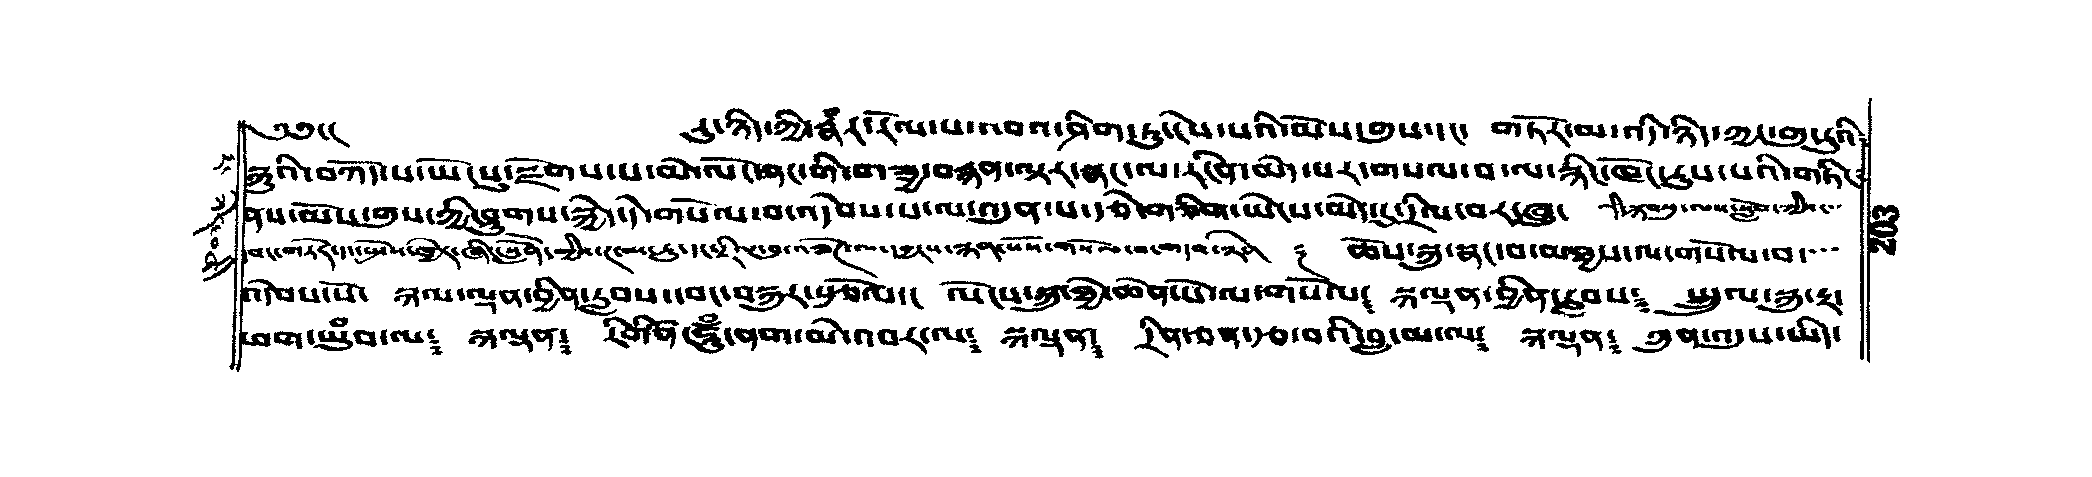རུ་ཉིད་ཀྱི་རྣམ་པར་རོལ་པ་འབའ་ཞིག་ཏུ་ངེས་པའི་མོས་གུས་དང་། གཏོར་མ་འདི་ཉིད་ཀྱང་གུ་རུའི་
སྐུའི་བཀོད་པ་ཡོངས་སུ་རྫོགས་པ་མེ་ལོང་ནང་གི་གཟུགས་བརྙན་ལྟར་སྣང་བ་རང་བཞིན་མེད་པར་གསལ་བ་ལ་སྙིང་ཁོང་རུས་པའི་གཏིང་
ནས་མོས་གུས་ཀྱི་ཤུགས་སྐྱེད་དེ་གསོལ་བ་འདེབས་པ་ལ་འདུན་པ་རྩེ་གཅིག་ཡེངས་མེད་དུ་དྲིལ་བར་ཞུ། འདི་སྐབས་སུ་ལས་སློབ་ཀྱིས་
དབང་གཏོར་དང་སྤོས་ཁྱེར་ཞིང་སློབ་དཔོན་གྱི་ཌཱ་མ་རུ་དང་དྲིལ་བུ་འཐོགས་ལ་དབྱངས་སྙན་པོས་གསོལ་བ་གདབ་སྟེ།༈ ཆོས་སྐུ་སྣང་བ་མཐའ་ཡས་ལ་གསོལ་བ་
འདེབས་སོ། སྐལ་ལྡན་བྱིན་རླབས་དབང་བསྐུར་སྩོལ། ལོངས་སྐུ་ཐུགས་རྗེ་ཆེན་པོ་ལ་གསོལ། སྐལ་ལྡན་བྱིན་རླབས༴ སྤྲུལ་སྐུ་རྟ་
ཕག་ཡབ་ཡུམ་ལ༴ སྐལ་ལྡན༴ རིག་འཛིན་ཧཱུྃ་ནག་མེ་འབར་ལ༴ སྐལ་ལྡན༴ དྲིན་ཅན་རྩ་བའི་བླ་མ་ལ༴ སྐལ་ལྡན༴ ཀུན་འདུས་ཡིད་